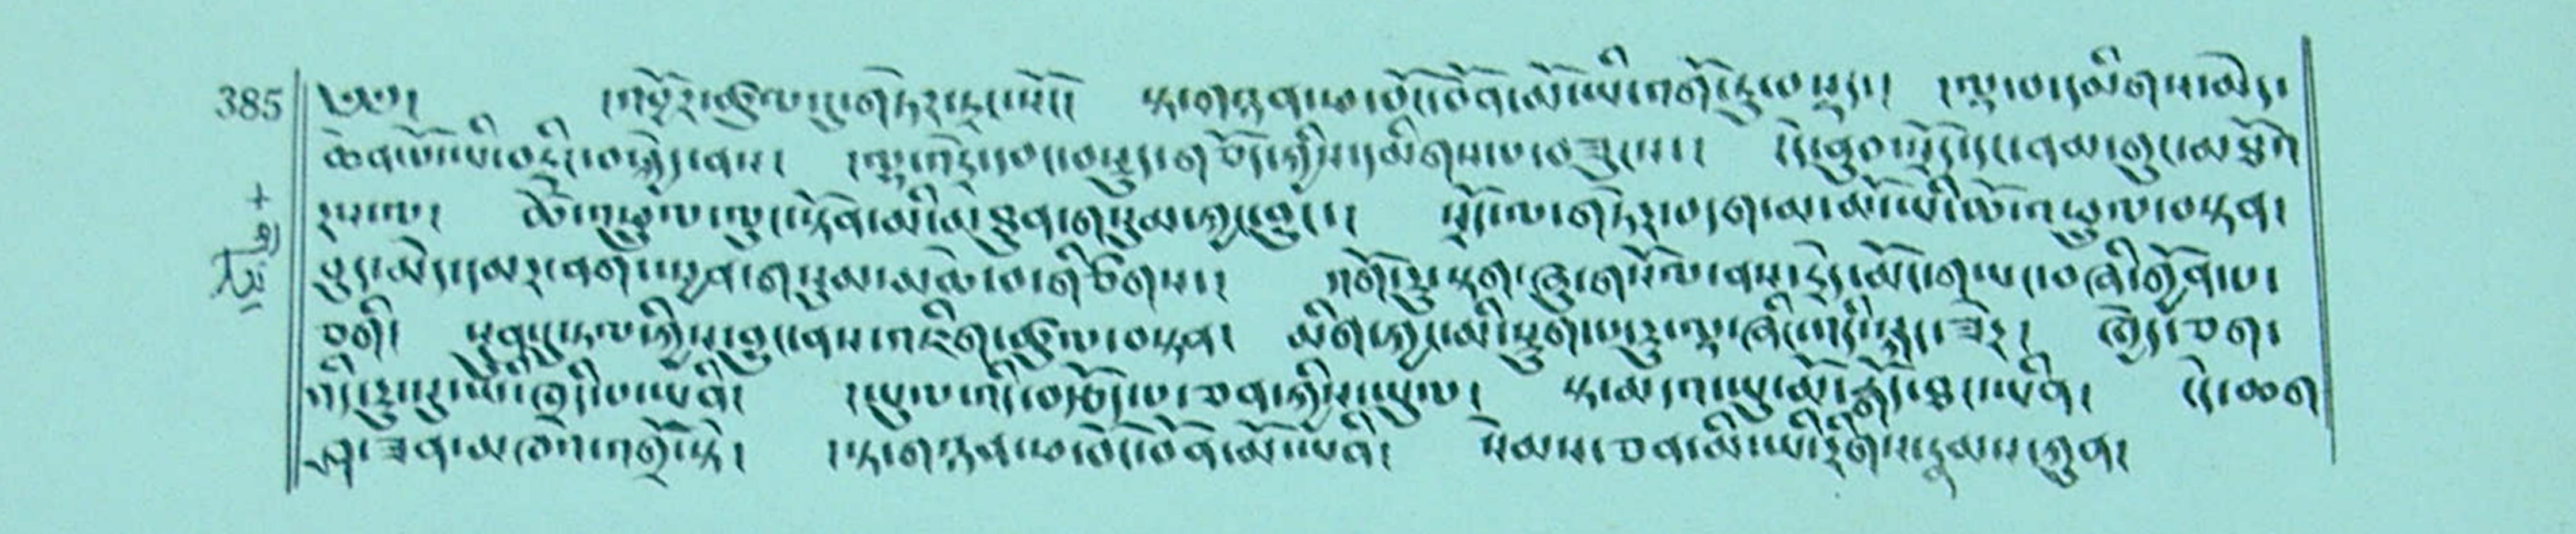༄༅། །འབྱོར་ཚུལ་དུ་གཏེར་དྲངས་སོ། །རྟ་གཉན་ཕ་བོང་བོན་མོ་ཡི་འགོ་རུ་བསྡད། ལྟ་བ་དམིགས་མེད་
ཆེན་པོ་ཡི་བརྡེངས་བསྐྱེད་ནས། ལྷ་འདྲེ་དབང་བསྡུད་གཅོད་ཀྱིས་དམིགས་པ་བཟུང་། དེ་ནུབ་སྲོད་དང་ནམ་གུང་མཐོའ་
རས་ལ། ཆོ་འཕྲུལ་ལུང་སྟོན་མི་མཐུན་གསུམ་ཀྱང་བྱུང་། སྲོད་ལ་གཏེར་བདག་མ་མོ་ཡི་ཆོ་འཕྲུལ་བསྟན། 
བུད་མེད་དམར་ནག་སྤྱན་གསུམ་མཆེ་བ་གཙིགས། འགོ་རུ་སྟག་ཞུ་གསོལ་ནས་དྲེད་མོང་གཡང་གཞི་གྱོན་པ་
ཅིག སྔུན་དུ་ཏལ་ཀྱིས་བྱུང་ནས་འཇིགས་ཚུལ་བསྟན། མིག་ཀྱང་མི་སྡུག་པ་རུ་ལྟ་ཞིང་འདི་སྐད་ཟེར། ཁྱེད་ཅག་
འདི་རུ་སུ་ཡིས་ཁྲིད་པ་ཡིན། ཡུལ་འདི་རྩོད་པ་ཅན་གྱི་ཡུལ། སྟ་མདའ་ཡུ་མོ་རྒོད་ཐང་ཡིན། ངེད་ཅག་
ཤ་ཟན་མཁའ་འགྲོ་སྟེ། སྟ་གཉན་ཕ་བོང་བོན་མོ་ཡིན། སེམས་ཅན་མི་ཡི་རིགས་རྣམས་ཀུན།